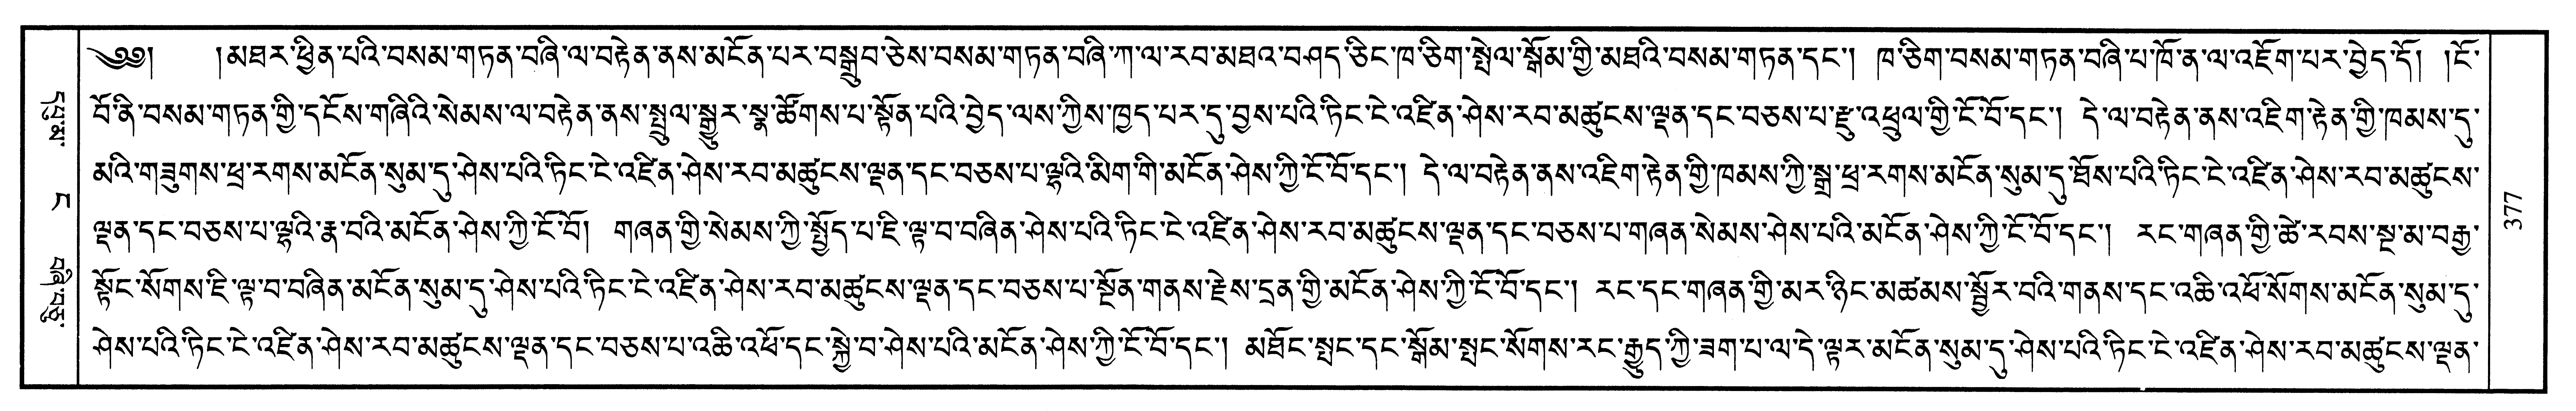༄༅། །མཐར་ཕྱིན་པའི་བསམ་གཏན་བཞི་ལ་བརྟེན་ནས་མངོན་པར་བསྒྲུབ་ཅེས་བསམ་གཏན་བཞི་ཀ་ལ་རབ་མཐའ་བཤད་ཅིང་ཁ་ཅིག་སྤེལ་སྒོམ་གྱི་མཐའི་བསམ་གཏན་དང་། ཁ་ཅིག་བསམ་གཏན་བཞི་པ་ཁོ་ན་ལ་འཇོག་པར་བྱེད་དོ། །ངོ་
བོ་ནི་བསམ་གཏན་གྱི་དངོས་གཞིའི་སེམས་ལ་བརྟེན་ནས་སྤྲུལ་སྒྱུར་སྣ་ཚོགས་པ་སྟོན་པའི་བྱེད་ལས་ཀྱིས་ཁྱད་པར་དུ་བྱས་པའི་ཏིང་ངེ་འཛིན་ཤེས་རབ་མཚུངས་ལྡན་དང་བཅས་པ་རྫུ་འཕྲུལ་གྱི་ངོ་བོ་དང་། དེ་ལ་བརྟེན་ནས་འཇིག་རྟེན་གྱི་ཁམས་དུ་
མའི་གཟུགས་ཕྲ་རགས་མངོན་སུམ་དུ་ཤེས་པའི་ཏིང་ངེ་འཛིན་ཤེས་རབ་མཚུངས་ལྡན་དང་བཅས་པ་ལྷའི་མིག་གི་མངོན་ཤེས་ཀྱི་ངོ་བོ་དང་། དེ་ལ་བརྟེན་ནས་འཇིག་རྟེན་གྱི་ཁམས་ཀྱི་སྒྲ་ཕྲ་རགས་མངོན་སུམ་དུ་ཐོས་པའི་ཏིང་ངེ་འཛིན་ཤེས་རབ་མཚུངས་
ལྡན་དང་བཅས་པ་ལྷའི་རྣ་བའི་མངོན་ཤེས་ཀྱི་ངོ་བོ། གཞན་གྱི་སེམས་ཀྱི་སྤྱོད་པ་ཇི་ལྟ་བ་བཞིན་ཤེས་པའི་ཏིང་ངེ་འཛིན་ཤེས་རབ་མཚུངས་དང་ལྡན་དང་བཅས་པ་གཞན་སེམས་ཤེས་པའི་མངོན་ཤེས་ཀྱི་ངོ་བོ་དང་། རང་གཞན་གྱི་ཚེ་རབས་སྔ་མ་བརྒྱ་
སྟོང་སོགས་ཇི་ལྟ་བ་བཞིན་མངོན་སུམ་དུ་ཤེས་པའི་ཏིང་ངེ་འཛིན་ཤེས་རབ་མཚུངས་དང་ལྡན་དང་བཅས་པ་སྔོན་གནས་རྗེས་དྲན་གྱི་མངོན་ཤེས་ཀྱི་ངོ་བོ་དང་། རང་དང་གཞན་གྱི་མར་ཉིང་མཚམས་སྦྱོར་བའི་གནས་དང་འཆི་འཕོ་སོགས་མངོན་སུམ་དུ་
ཤེས་པའི་ཏིང་ངེ་འཛིན་ཤེས་རབ་མཚུངས་དང་ལྡན་དང་བཅས་པ་འཆི་འཕོ་དང་སྐྱེ་བ་ཤེས་པའི་མངོན་ཤེས་ཀྱི་ངོ་བོ་དང་། མཐོང་སྤང་དང་སྒོམ་སྤང་སོགས་རང་རྒྱུད་ཀྱི་ཟག་པ་ལ་དེ་ལྟར་མངོན་སུམ་དུ་ཤེས་པའི་ཏིང་ངེ་འཛིན་ཤེས་རབ་མཚུངས་ལྡན་